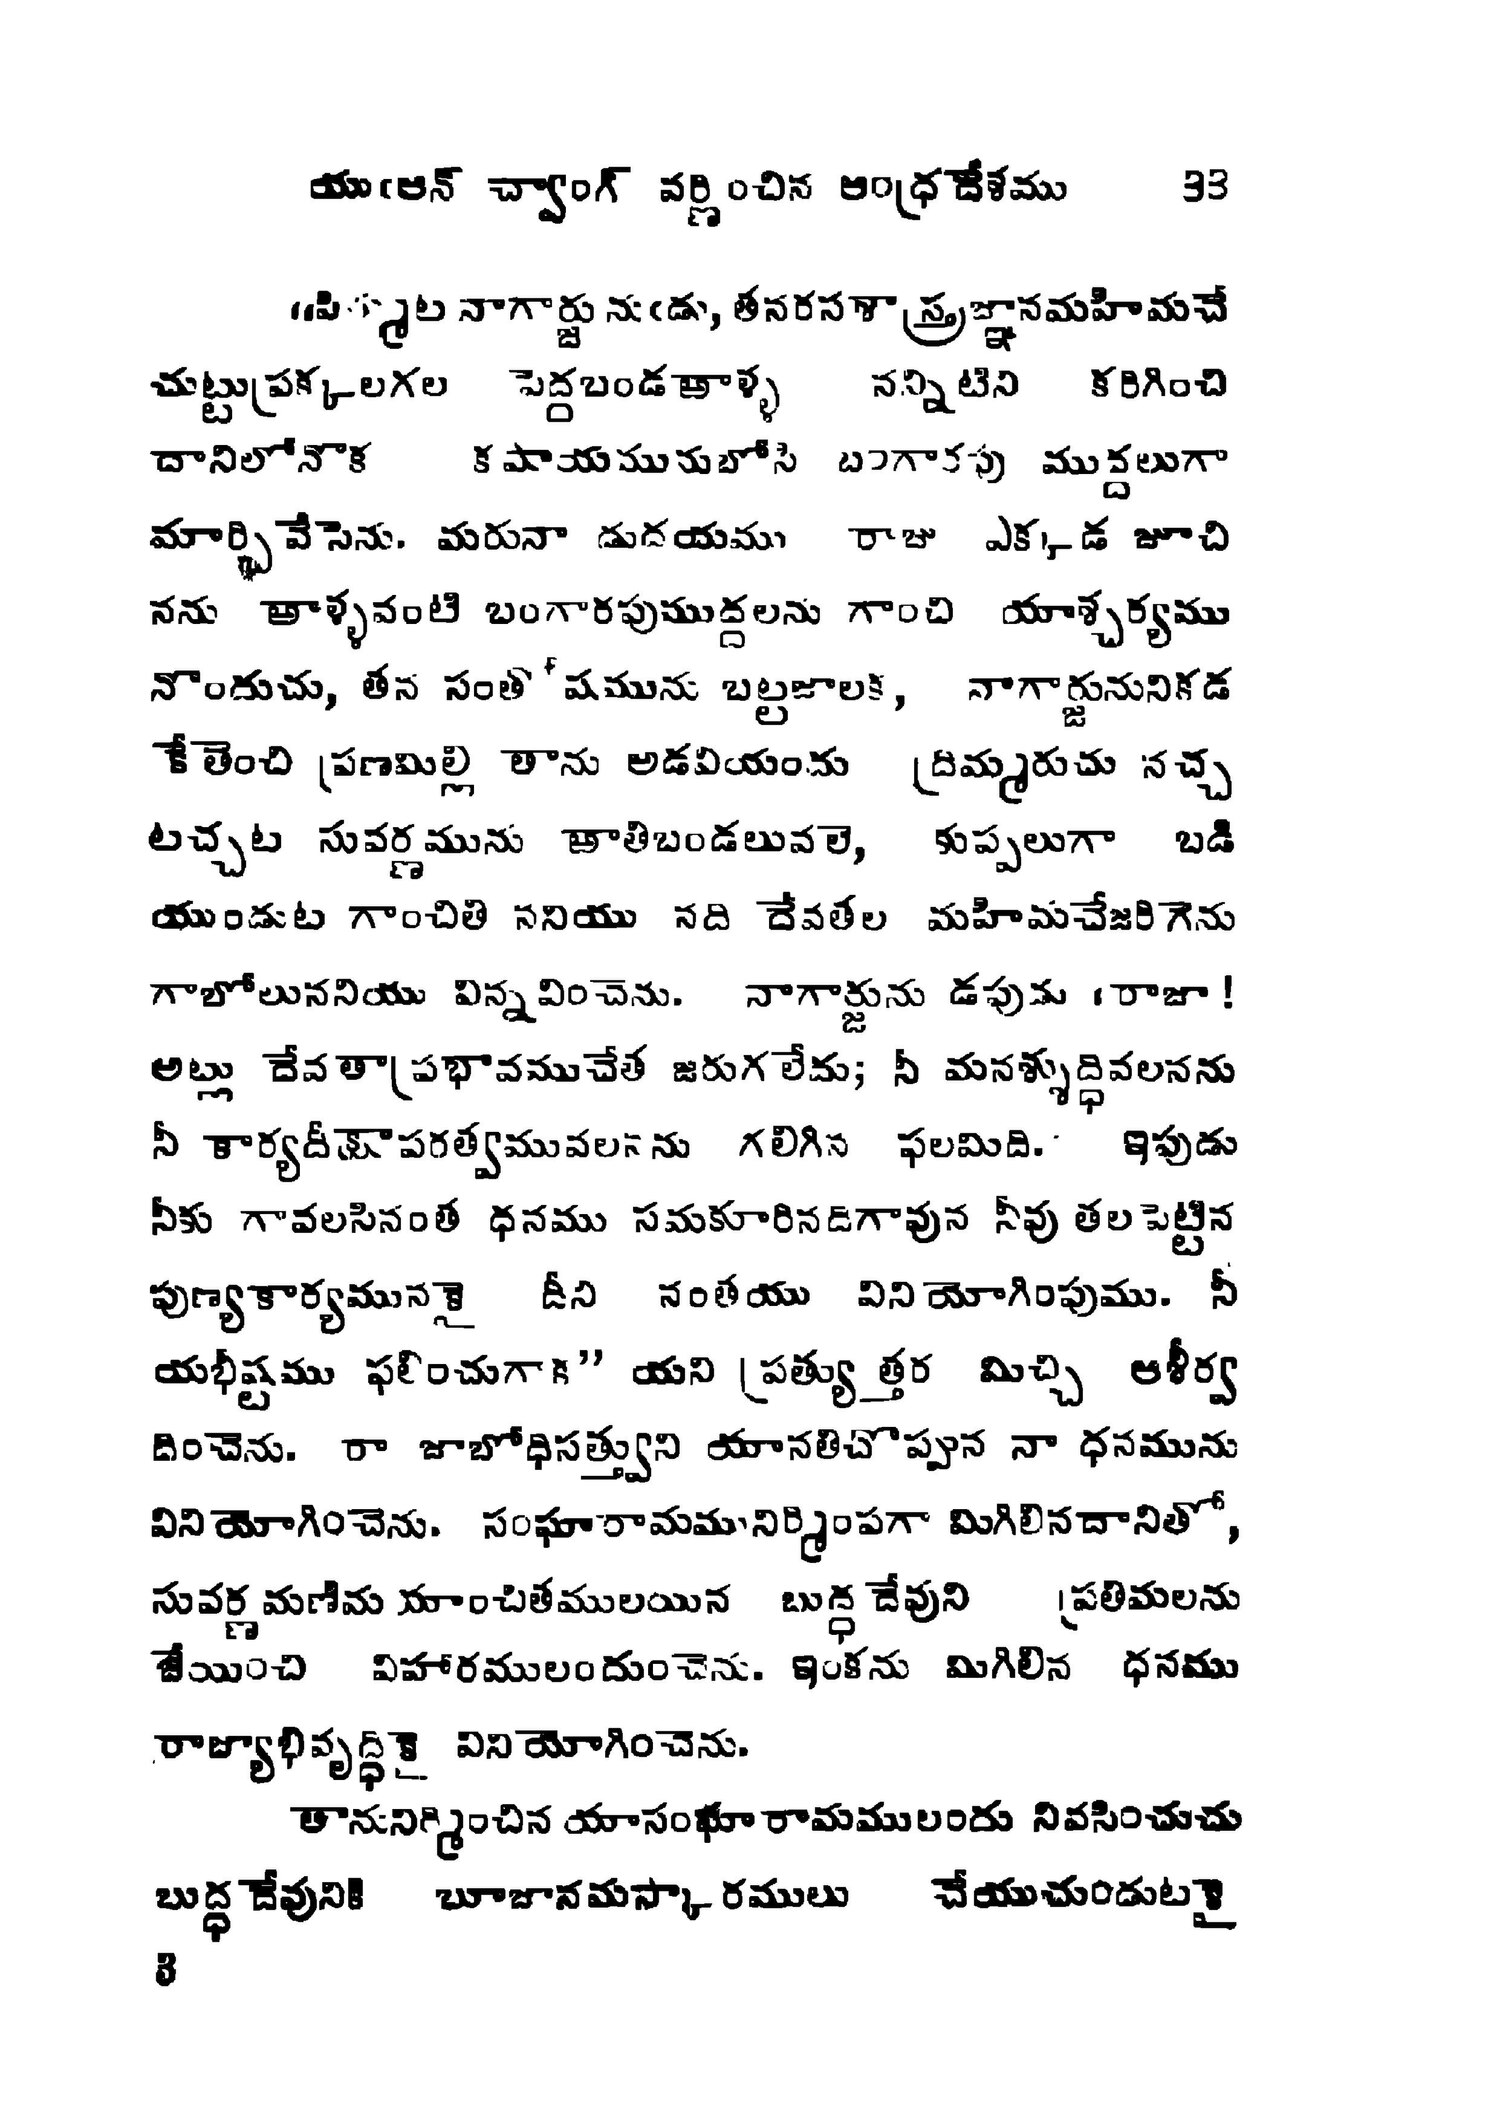"పిమ్మట నాగార్జునుడు, తనరసశాస్త్రజ్ఞానమహిమచే చుట్టుప్రక్కలగల పెద్దబండఱాళ్ళ నన్నిటిని కరిగించి దానిలోనొక కషాయమునుబోసి బంగారపు ముద్దలుగా మార్చివేసెను. మరునా డుదయము రాజు ఎక్కడ జూచినను ఱాళ్ళవంటి బంగారపుముద్దలను గాంచి యాశ్చర్యము నొందుచు, తన సంతోషమును బట్టజాలక, నాగార్జునునికడ కేతెంచి ప్రణమిల్లి తాను అడవియందు ద్రిమ్మరుచు నచ్చటచ్చట సువర్ణమును ఱాతిబండలువలె, కుప్పలుగా బడియుండుట గాంచితి ననియు నది దేవతల మహిమచే జరిగెను గాబోలుననియు విన్నవించెను. నాగార్జును డపుడు 'రాజా! అట్లు దేవతాప్రభావముచేత జరుగలేదు; నీ మనశ్శుద్ధివలనను నీ కార్యదీక్షాపరత్వమువలనను గలిగిన ఫలమిది. ఇపుడు నీకు గావలసినంత ధనము సమకూరినదిగావున నీవు తలపెట్టిన పుణ్యకార్యమునకై దీని నంతయు వినియోగింపుము. నీ యభీష్టము ఫలించుగాక" యని ప్రత్యుత్తర మిచ్చి ఆశీర్వదించెను. రా జాబోధిసత్త్వుని యానతిచొప్పున నా ధనమును వినియోగించెను. సంఘారామము నిర్మింపగా మిగిలినదానితో, సువర్ణమణిమయాంచితములయిన బుద్ధదేవుని ప్రతిమలను జేయించి విహారములందుంచెను. ఇంకను మిగిలిన ధనము రాజ్యాభివృద్ధికై వినియోగించెను.

తాను నిర్మించిన యాసంఘారామములందు నివసించుచు బుద్ధదేవునికి బూజానమస్కారములు చేయుచుండుటకై